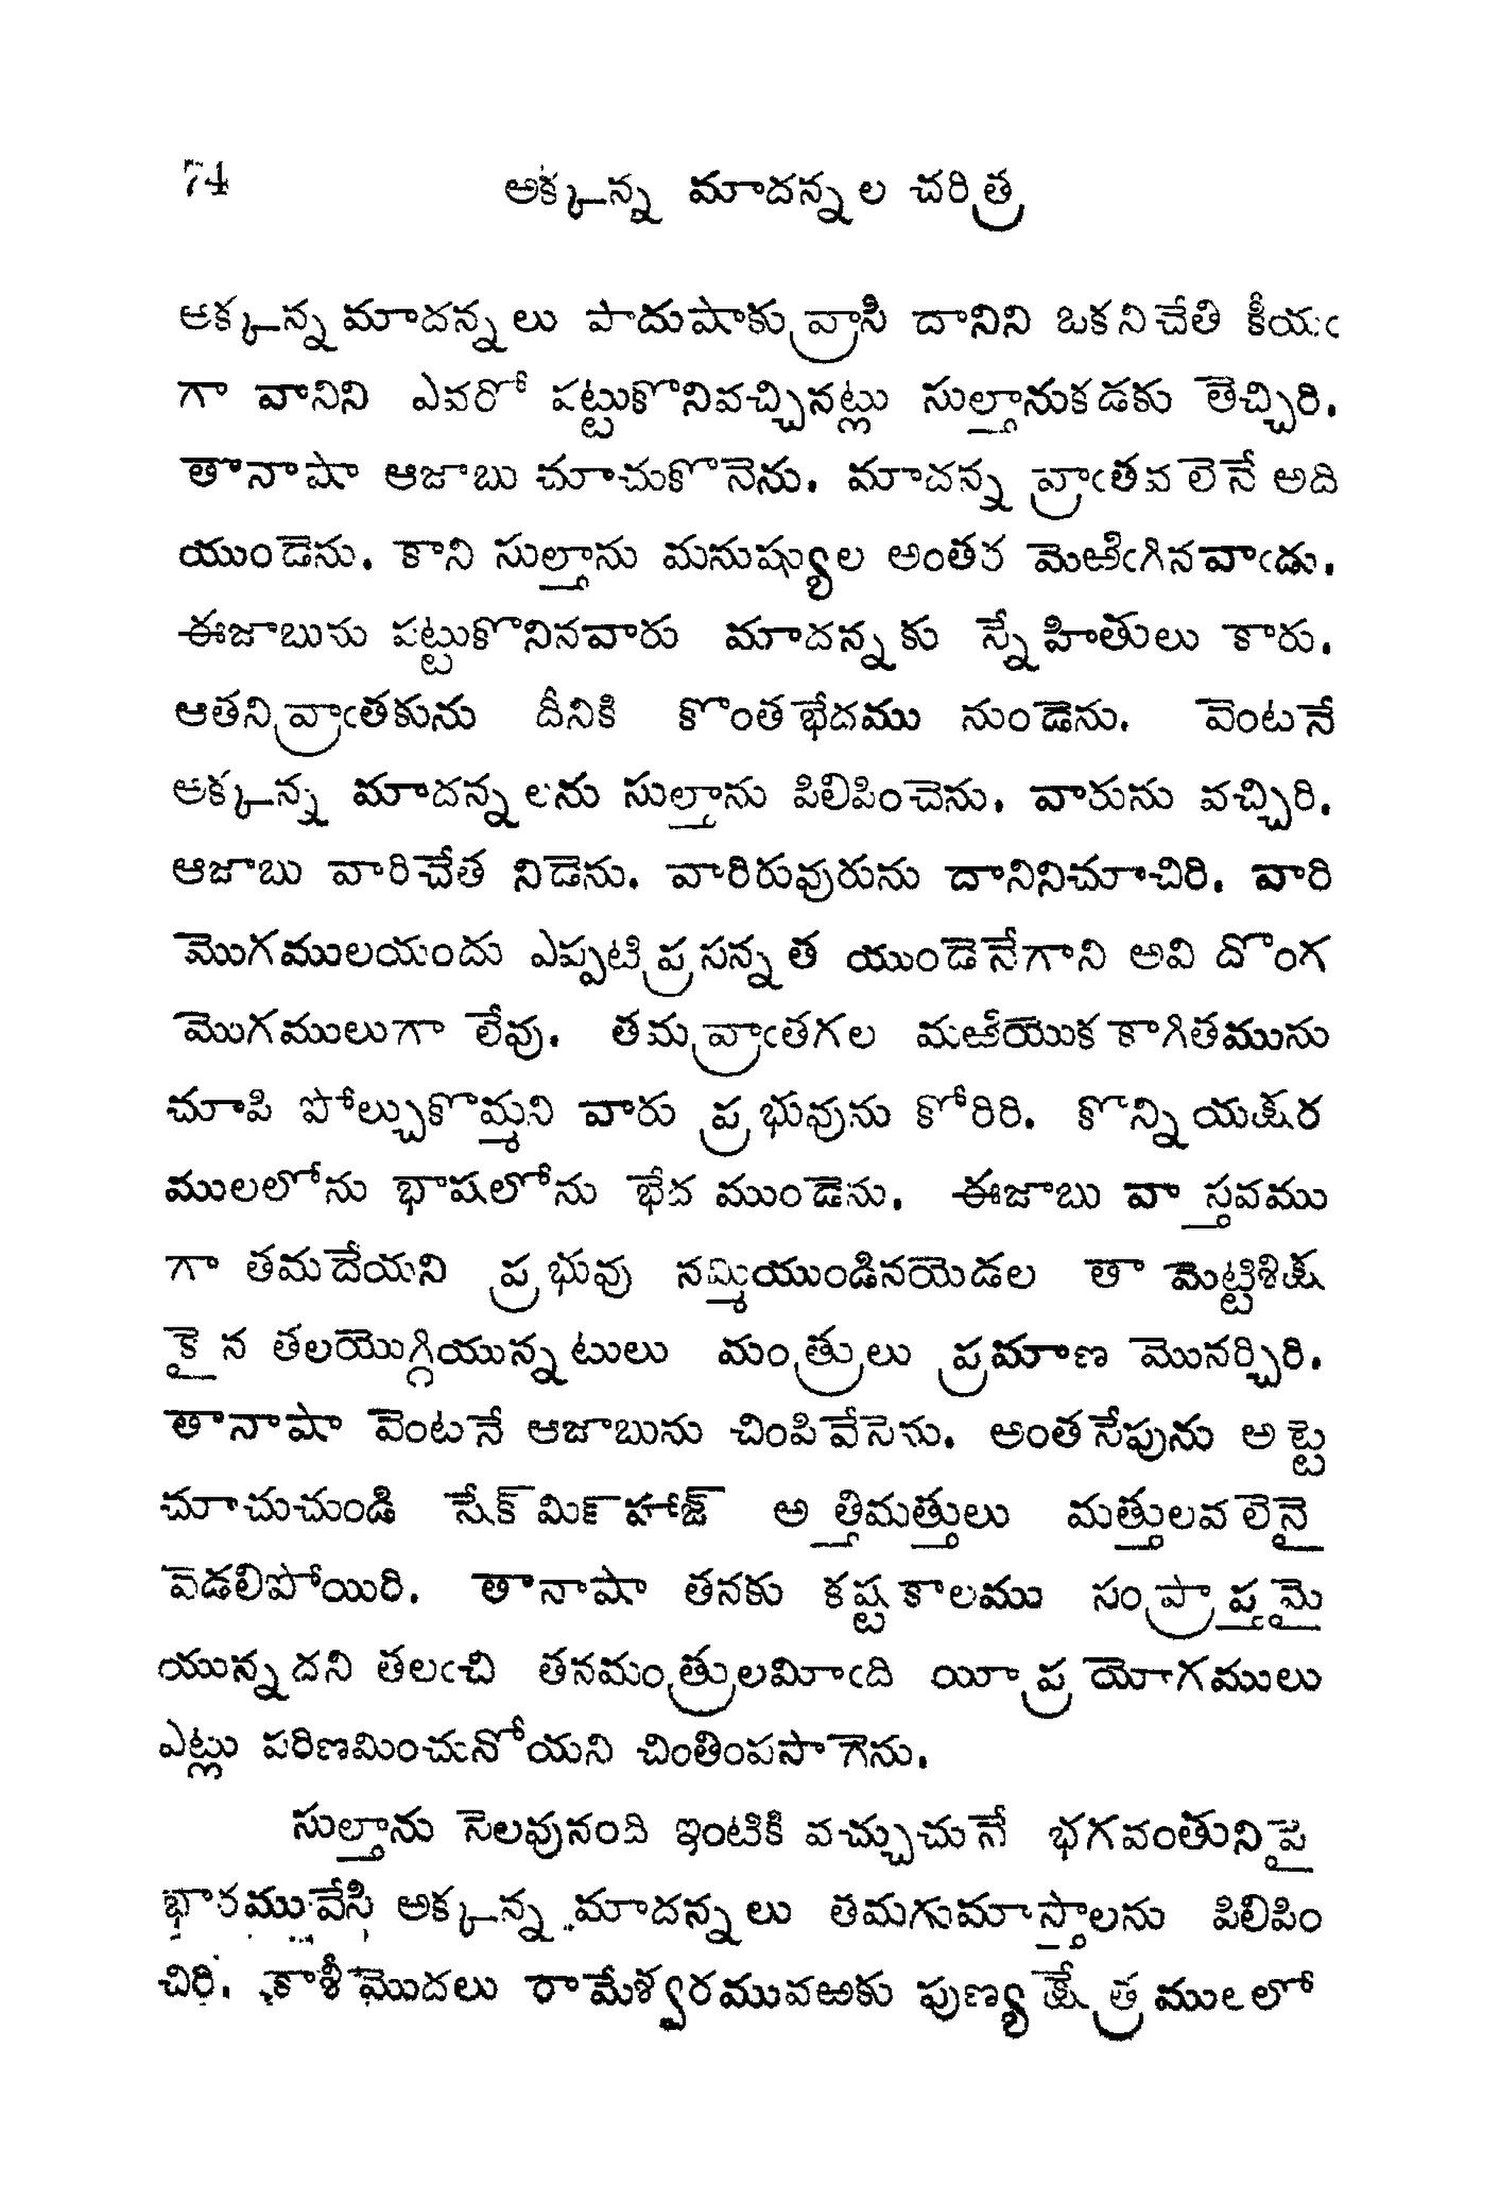అక్కన్నమాదన్నలు పాదుషాకువ్రాసి దానిని ఒకనిచేతి కీయఁగా వానిని ఎవరో పట్టుకొనివచ్చినట్లు సుల్తానుకడకు తెచ్చిరి. తానాషా ఆజాబు చూచుకొనెను. మాదన్న వ్రాఁతవలెనే అది యుండెను. కాని సుల్తాను మనుష్యుల అంతర వెుఱిఁగినవాఁడు. ఈజాబును పట్టుకొనినవారు మాదన్నకు స్నేహితులు కారు. ఆతనివ్రాఁతకును దీనికి కొంతభేదము నుండెను. వెంటనే అక్కన్న మాదన్నలను సుల్తాను పిలిపించెను. వారును వచ్చిరి. ఆజాబు వారిచేత నిడెను. వారిరువురును దానినిచూచిరి. వారి మొగములయందు ఎప్పటిప్రసన్నత యుండెనేగాని అవి దొంగ మొగములుగా లేవు. తమవ్రాఁతగల మఱియొకకాగితమును చూపి పోల్చుకొమ్మని వారు ప్రభువును కోరిరి. కొన్నియక్షరములలోను భాషలోను భేద ముండెను. ఈజాబు వాస్తవముగా తమదేయని ప్రభువు నమ్మియుండినయెడల తా మెట్టిశిక్షకైన తలయొగ్గియున్నటులు మంత్రులు ప్రమాణ మొనర్చిరి. తానాషా వెంటనే ఆజాబును చింపివేసెను. అంతసేపును అట్టె చూచుచుండి షేక్‌మిౝహాజ్ అత్తిమత్తులు మత్తులవలెనై వెడలిపోయిరి. తానాషా తనకు కష్టకాలము సంప్రాప్తమై యున్నదని తలఁచి తనమంత్రులమీఁది యీప్రయోగములు ఎట్లు పరిణమించునోయని చింతింపసాగెను.

సుల్తాను సెలవునంది ఇంటికి వచ్చుచునే భగవంతునిపై భారమువేసి అక్కన్న మాదన్నలు తమగుమాస్తాలను పిలిపించిరి. కాశీమొదలు రామేశ్వరమువఱకు పుణ్యక్షేత్రములలో